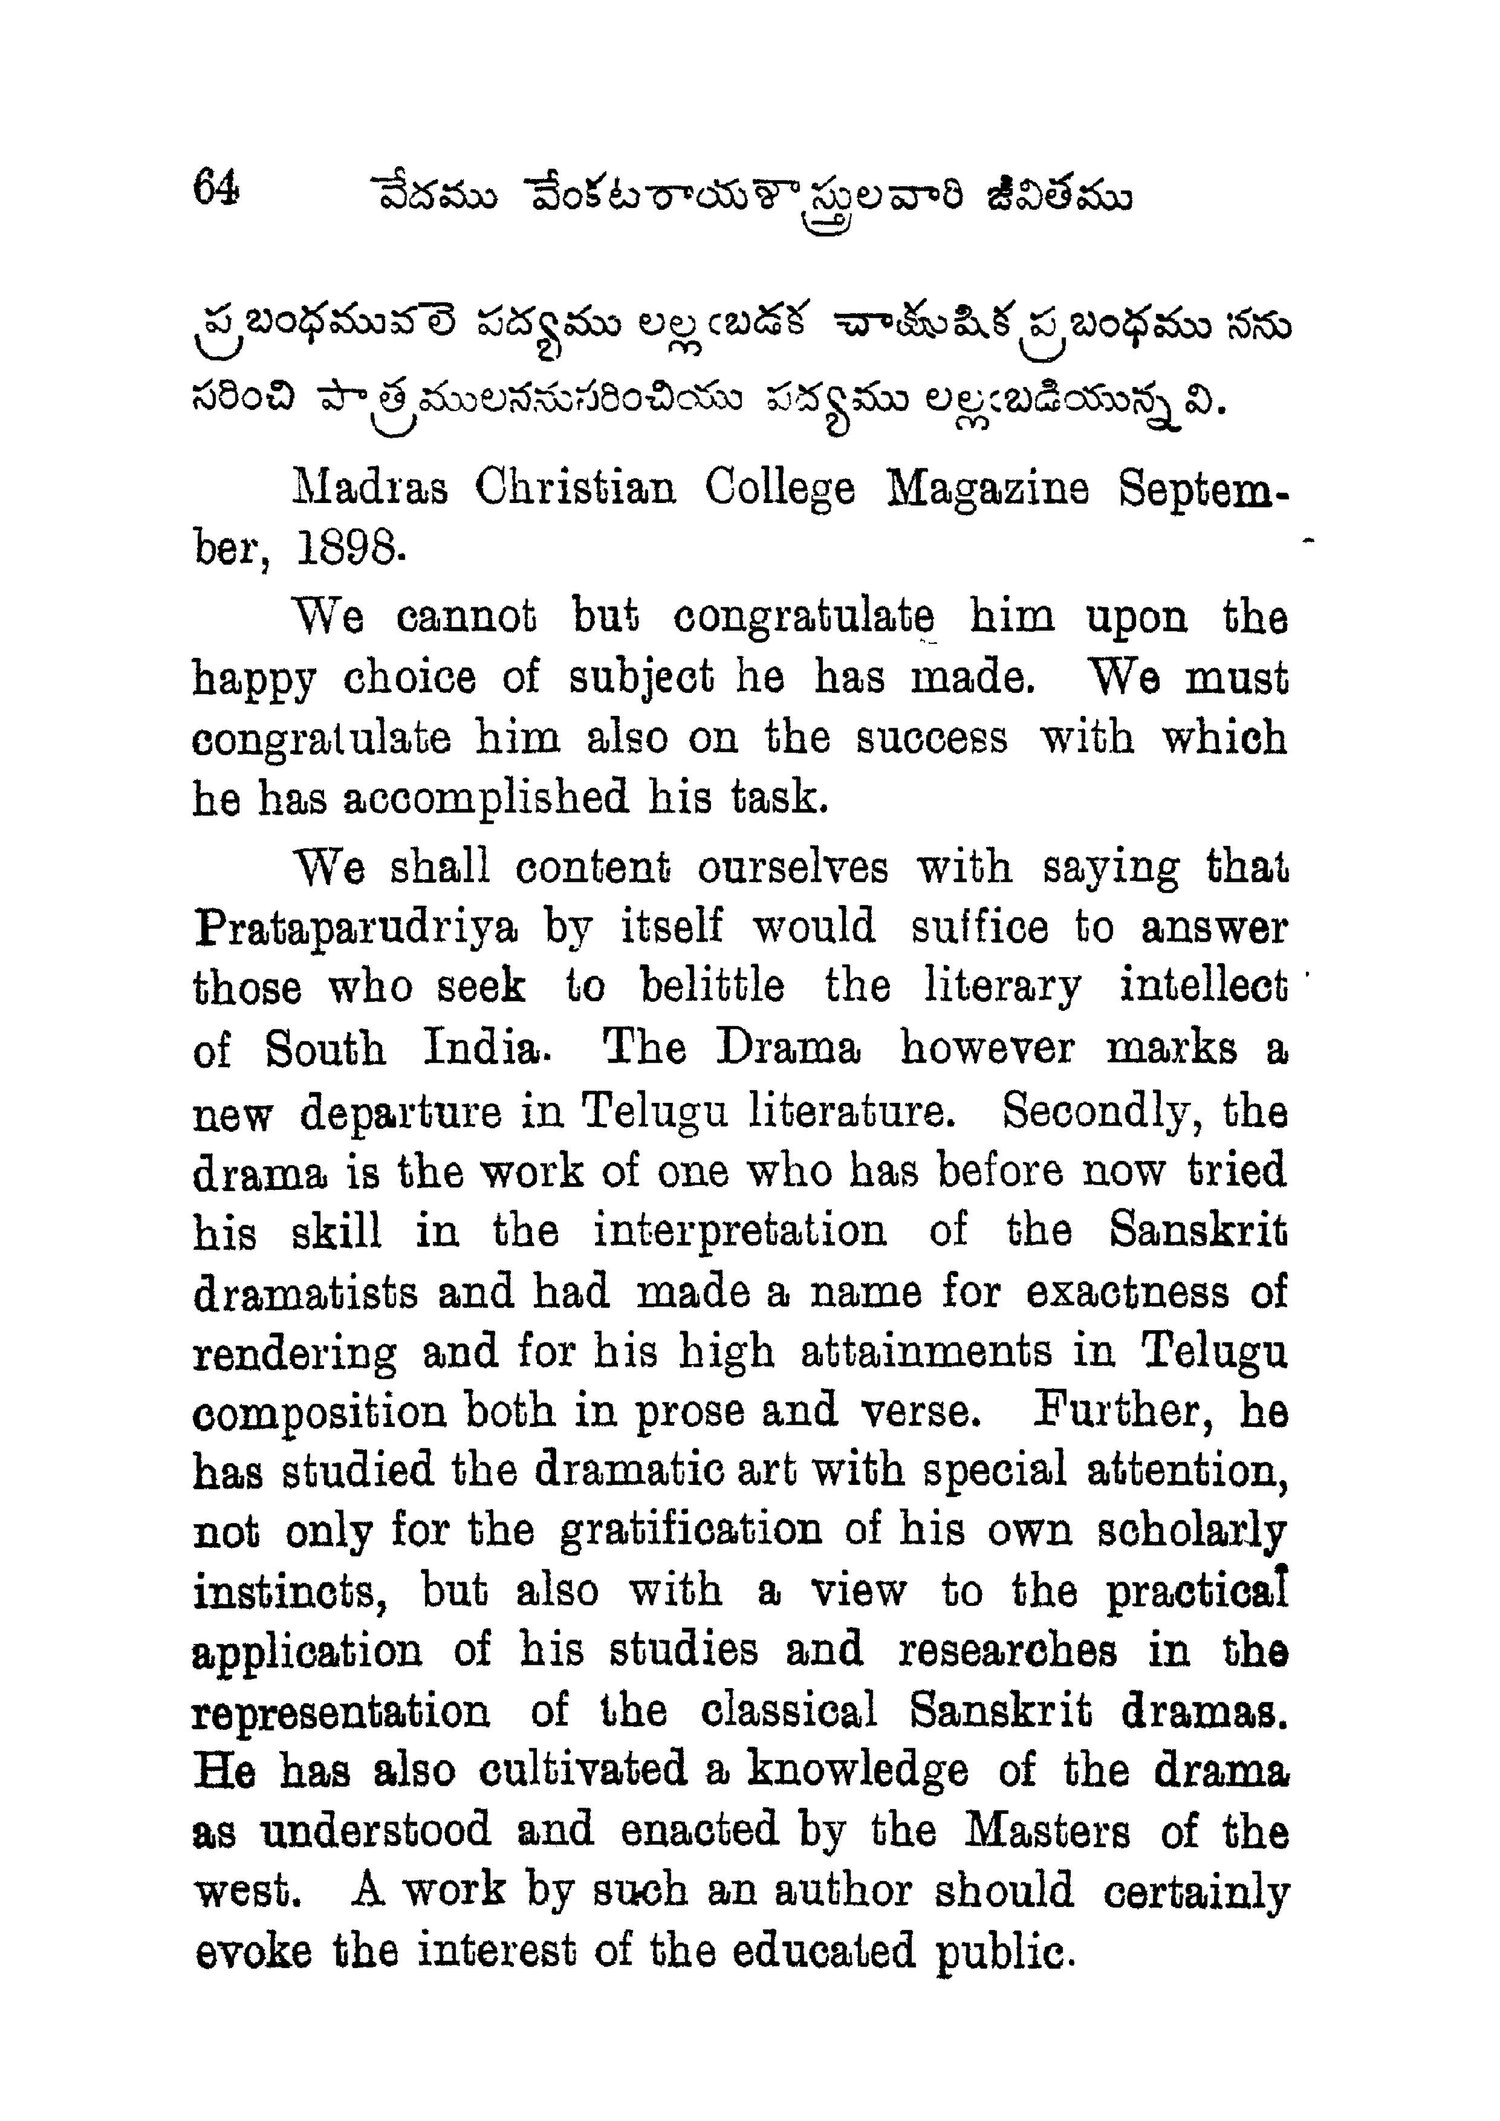ప్రబంధమువలె పద్యము లల్ల బడక చాక్షుషిక ప్రబంధము ననుసరించి పాత్రములననుసరించియు పద్యము లల్లబడియున్నవి.

Madras Christian College Magazine September, 1898.

We Cannot but congratulate him upon the happy choice of subject he has made. We must congratulate him also on the success with which he has accomplished his task.

we shall content ourselves with saying that Prataparudriya by itself would suffice to answer those who seek to belittle the literary intellect of south India. The Drama however marks a new departure in Telugu literature. secondly, the drama is the work of one who has before now tried his skill in the interpretation of the Sanskrit dramatists and had made a name for exactness of rendering and for his high attainments in Telugu composition both in prose and verse. further, he has studied the dramatic art with special attention, not only for the gratification of his won scholarly instincts, but also with a view to the practical application of his studies and researches in the representation of the classical Sanskrit dramas. He has also cultivated a knowledge of the drama as understood and enacted by the Masters of the west. A work by such an author should certainly evoke the interest of the educated public.